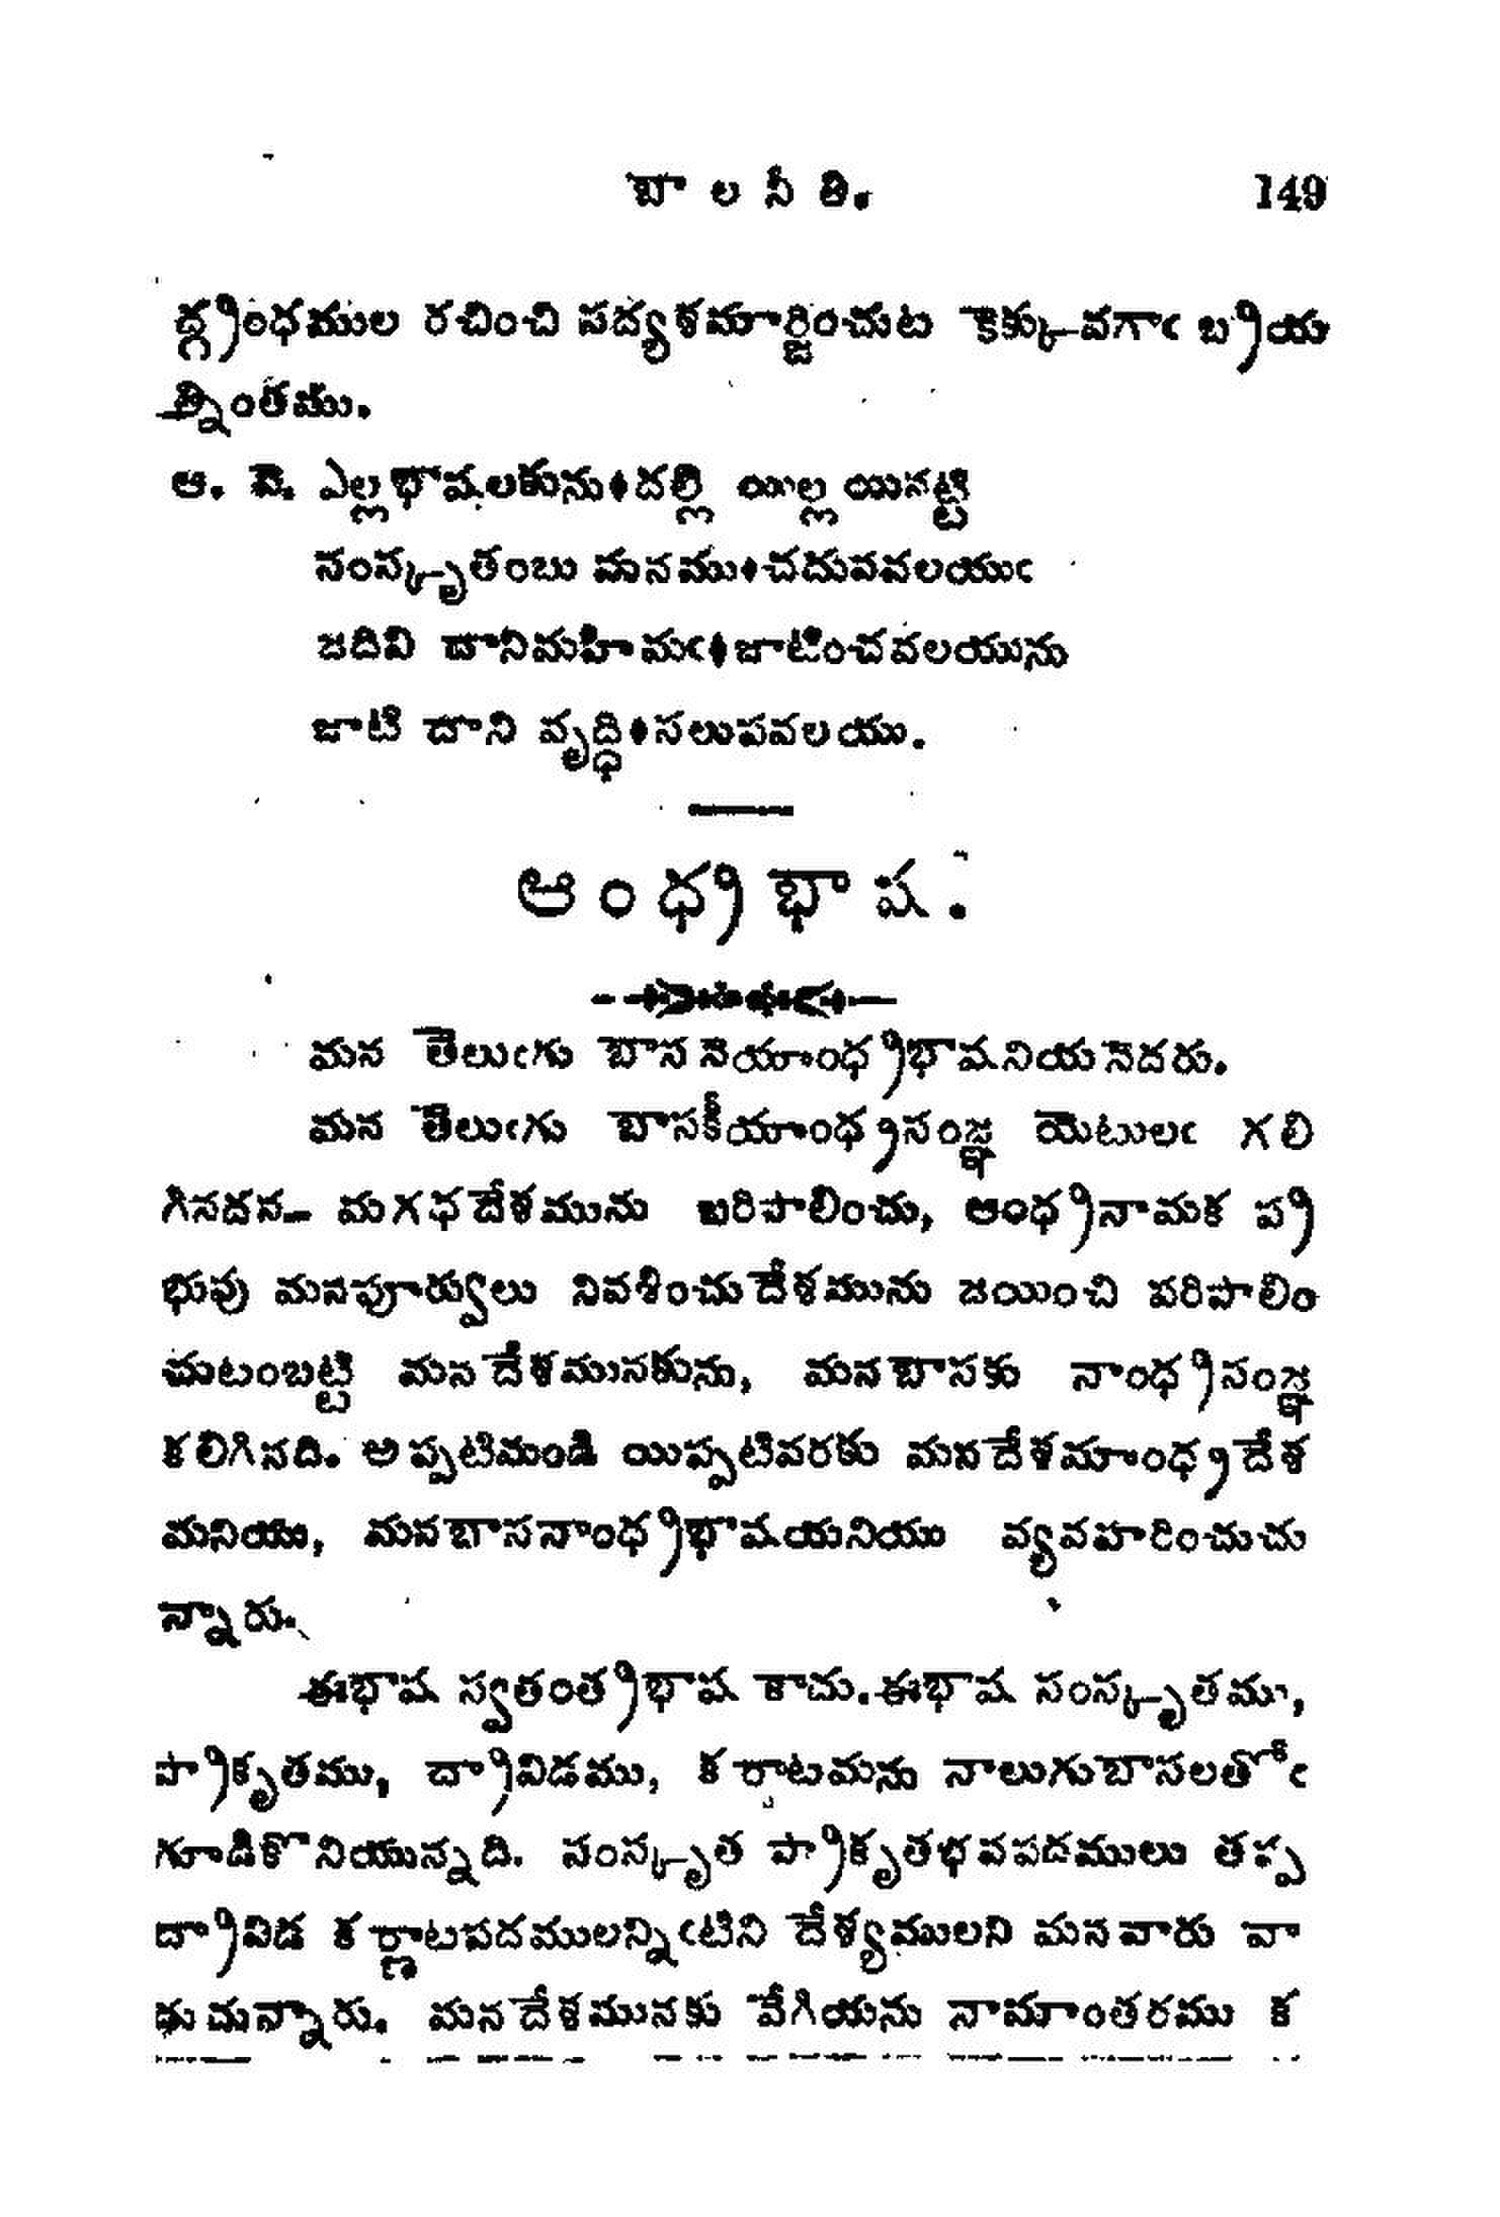ద్గ్రంధముల రచించి సద్యశమార్జించుట కెక్కువగాఁ బ్రయ
త్నింతము.

ఆ. వె. ఎల్లభాషలకును♦దల్లి యిల్ల యినట్టి
 సంస్కృతంబు మనము♦చదువవలయుఁ
 జదివి దానిమహిమఁ♦జాటించవలయును
 జాటి దాని వృద్ధి♦సలుపవలయును.

ఆంధ్రభాష.

మన తెలుఁగు బాసకీయాంధ్రసంజ్ఞ యెటులఁ గలి
గినదన - మగధదేశమును బరిపాలించు, ఆంధ్రనామక ప్ర
భువు మనపూర్వులు నివశించుదేశమును జయించి పరిపాలిం
చుటంబట్టి మనదేశమునకును, మనబాసకు నాంధ్రసంజ్ఞ
కలిగినది. అప్పటినుండి యిప్పటివరకు మనదేశమాంధ్రదేశ
మనియు, మనబాసనాంధ్రభాషయనియు వ్యవహరించుచు 
న్నారు. 

ఈభాష స్వతంత్రభాష కాదు. ఈభాష సంస్కృతము, 
ప్రాకృతము, ద్రావిడము,కర్ణాటమను నాలుగుబాసలతోఁ 
గూడికొనియున్నది. సంస్కృత ప్రాకృతభవపదములు తప్ప 
ద్రావిడ కర్ణాటపదములన్నిఁటిని దేశ్యములని మనవారు వా
డుచున్నారు. మనదేశమునకు వేగియను నామాంతరము క